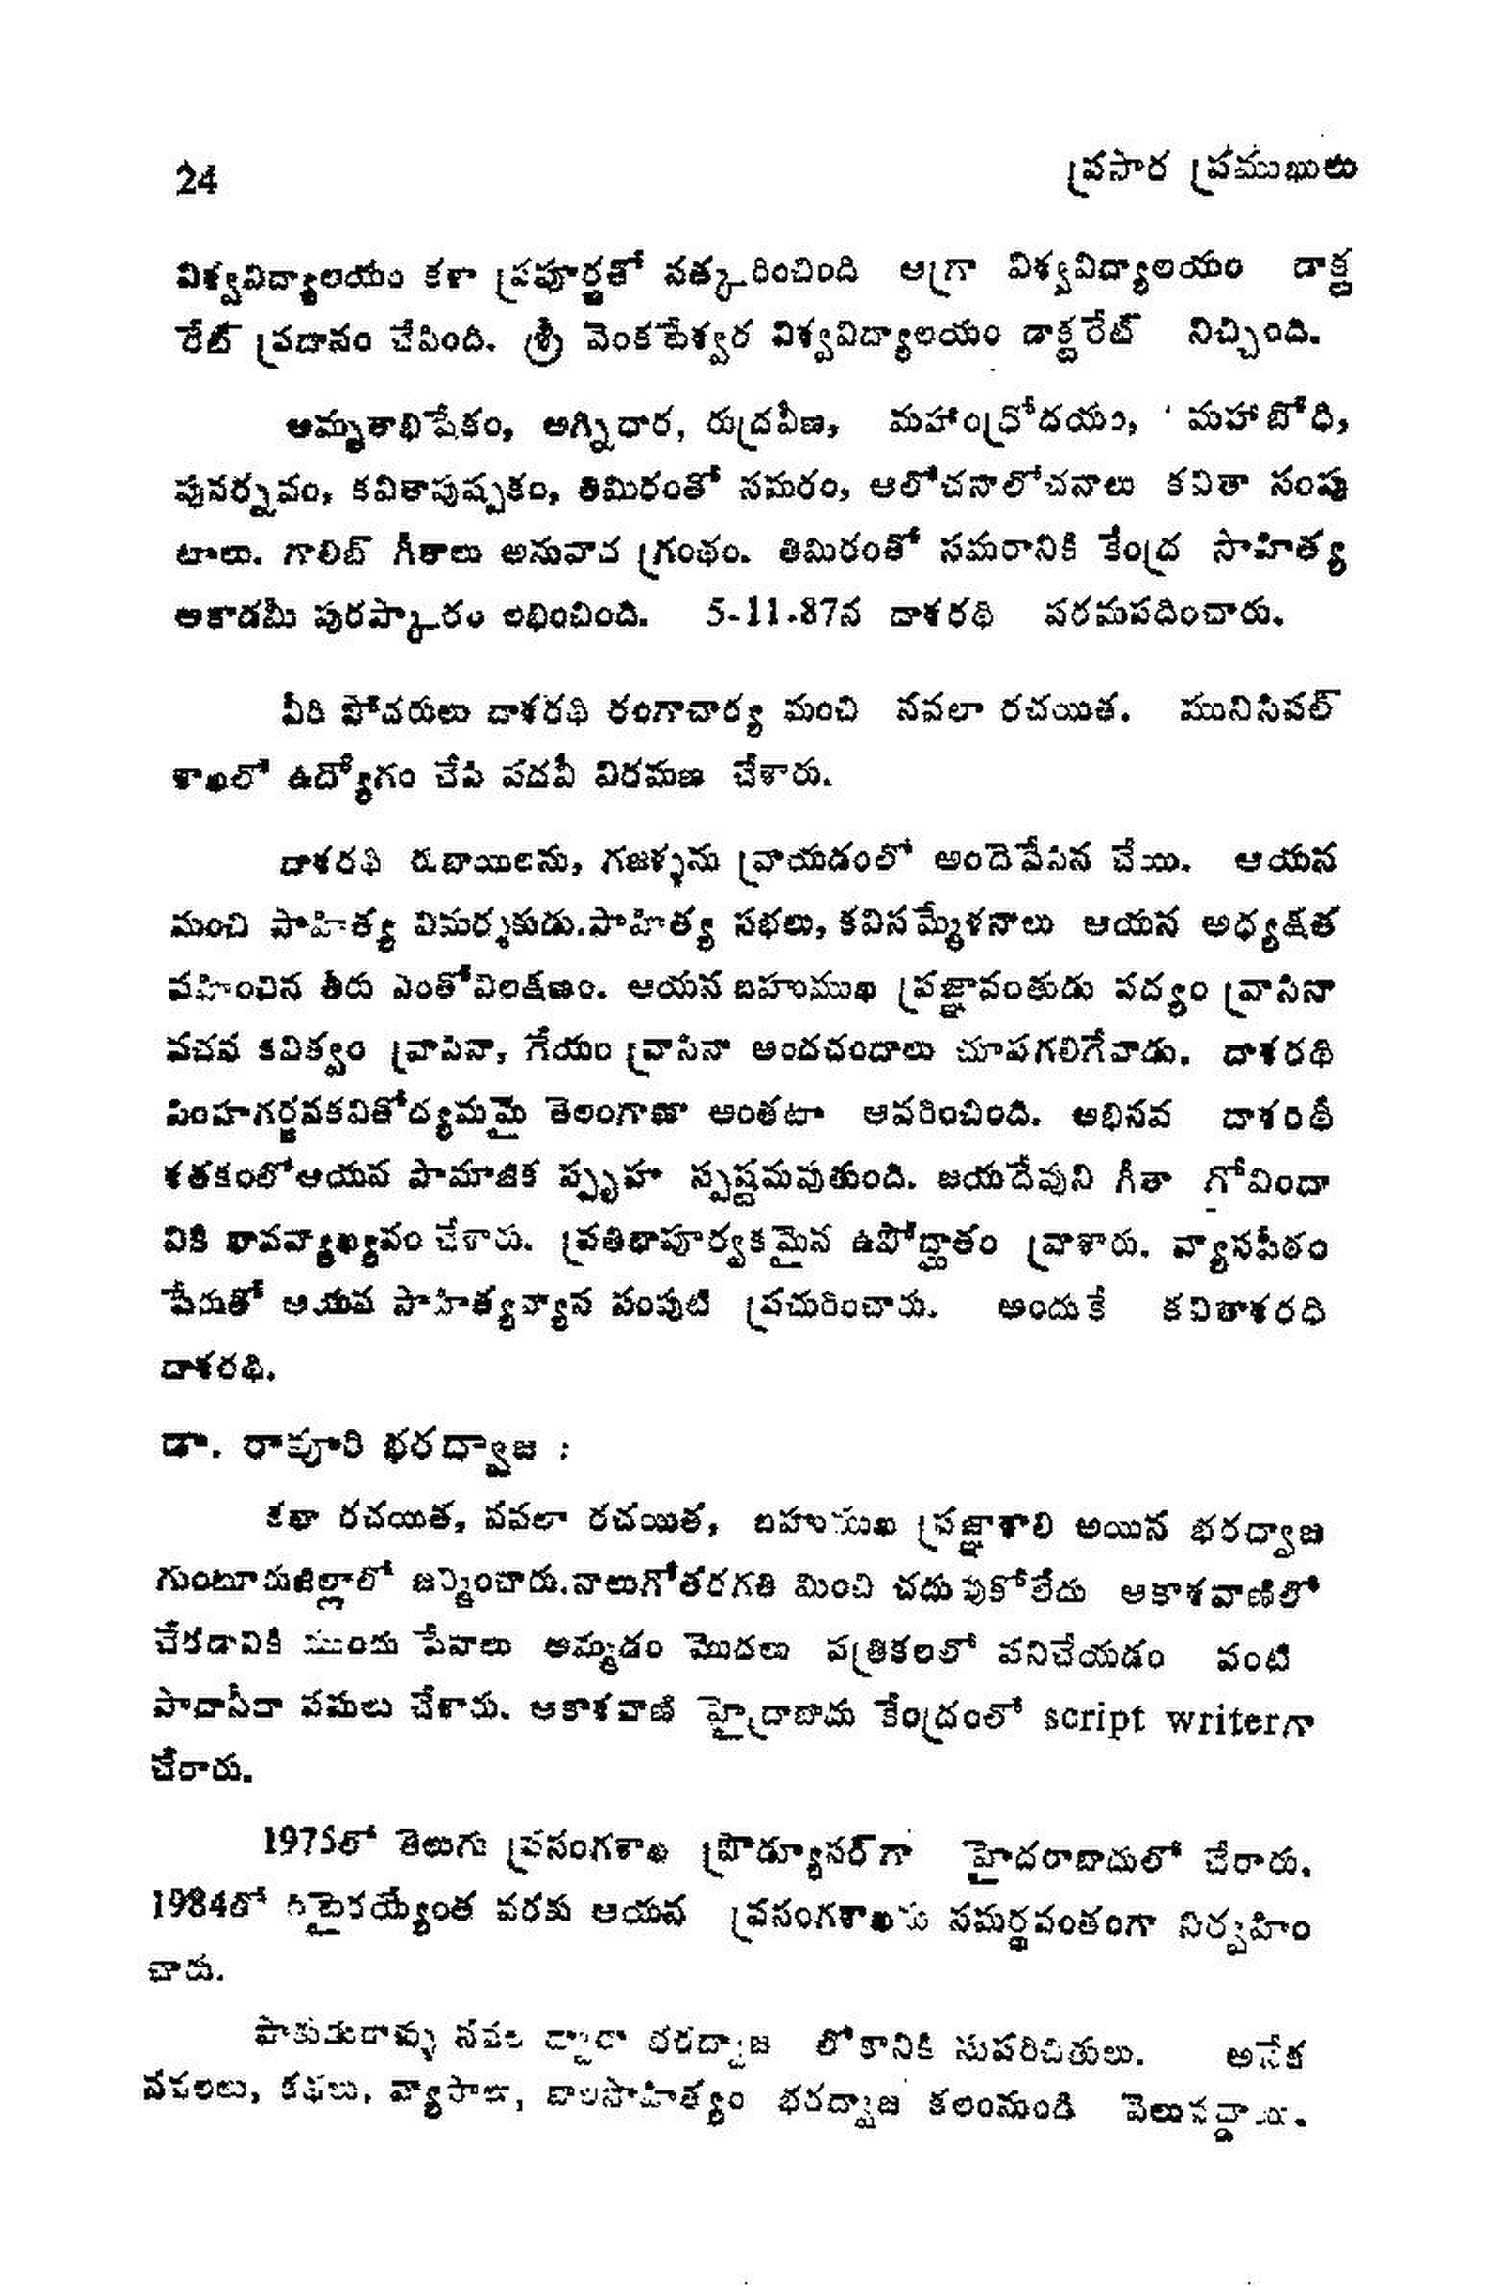విశ్వవిద్యాలయం కళా ప్రపూర్ణతో సత్కరించింది. ఆగ్రా విశ్వవిద్యాలయం డాక్టరేట్ ప్రదానం చేసింది. శ్రీ వెంకటేశ్వర విశ్వవిద్యాలయం డాక్టరేట్ నిచ్చింది.

అమృతాభిషేకం, అగ్నిధార, రుద్రవీణ, మహాంధ్రోదయం, మహాబోధి, పునర్నవం, కవితాపుష్పకం, తిమిరంతో సమరం, ఆలోచనాలోచనాలు కవితా సంపుటాలు. గాలిబ్ గీతాలు అనువాద గ్రంథం. తిమిరంతో సమరానికి కేంద్ర సాహిత్య అకాడమీ పురస్కారం లభించింది. 5-11-87న దాశరథి పరమపదించారు.

వీరి సోదరులు దాశరథి రంగాచార్య మంచి నవలా రచయిత. మునిసిపల్ శాఖలో ఉద్యోగం చేసి పదవీ విరమణ చేశారు.

దాశరథి రుబాయిలను, గజళ్ళను వ్రాయడంలో అందెవేసిన చేయి. ఆయన మంచి సాహిత్య విమర్శకుడు. సాహిత్య సభలు, కవిసమ్మేళనాలు ఆయన అధ్యక్షత వహించిన తీరు ఎంతోవిలక్షణం. ఆయన బహుముఖ ప్రజ్ఞావంతుడు పద్యం వ్రాసినా వచన కవిత్వం వ్రాసినా, గేయం వ్రాసినా అందచందాలు చూపగలిగేవాడు. దాశరథి సింహగర్జనకవితోద్యమమై తెలంగాణా అంతటా ఆవరించింది. అభినవ దాశరథీ శతకంలో ఆయన సామాజిక స్పృహ స్పష్టమవుతుంది. జయదేవుని గీతా గోవిందానికి భావవ్యాఖ్యనం చేశారు. ప్రతిభాపూర్వకమైన ఉపోద్ఘాతం వ్రాశారు. వ్యాసపీఠం పేరుతో ఆయన సాహిత్యవ్యాస సంపుటి ప్రచురించారు. అందుకే కవితాశరధి దాశరథి

కథా రచయిత, నవలా రచయిత, బహుముఖ ప్రజ్ఞాశాలి అయిన భరద్వాజ గుంటూరుజిల్లాలో జన్మించారు. నాలుగోతరగతి మించి చదువుకోలేదు. ఆకాశవాణిలో చేరడానికి ముందు పేనాలు అమ్మడం మొదలు పత్రికలలో పనిచేయడం వంటి సాదాసీదా పనులు చేశారు. ఆకాశవాణి హైద్రాబాదు కేంద్రంలో Script writerగా చేరారు.

1975 తెలుగు ప్రసంగశాఖ ప్రొడ్యూసర్‌గా హైదరాబాదులో చేరారు. 1984లో రిటైరయ్యేంత వరకు ఆయన ప్రసంగశాఖను సమర్థవంతంగా నిర్వహించారు.

పాకుడురాళ్ళు నవల ద్వారా భరద్వాజ లోకానికి సుపరిచితులు. అనేక నవలలు, కథలు, వ్యాసాలు, బాలసాహిత్యం భరద్వాజ కలంనుండి వెలువడ్డాయి.